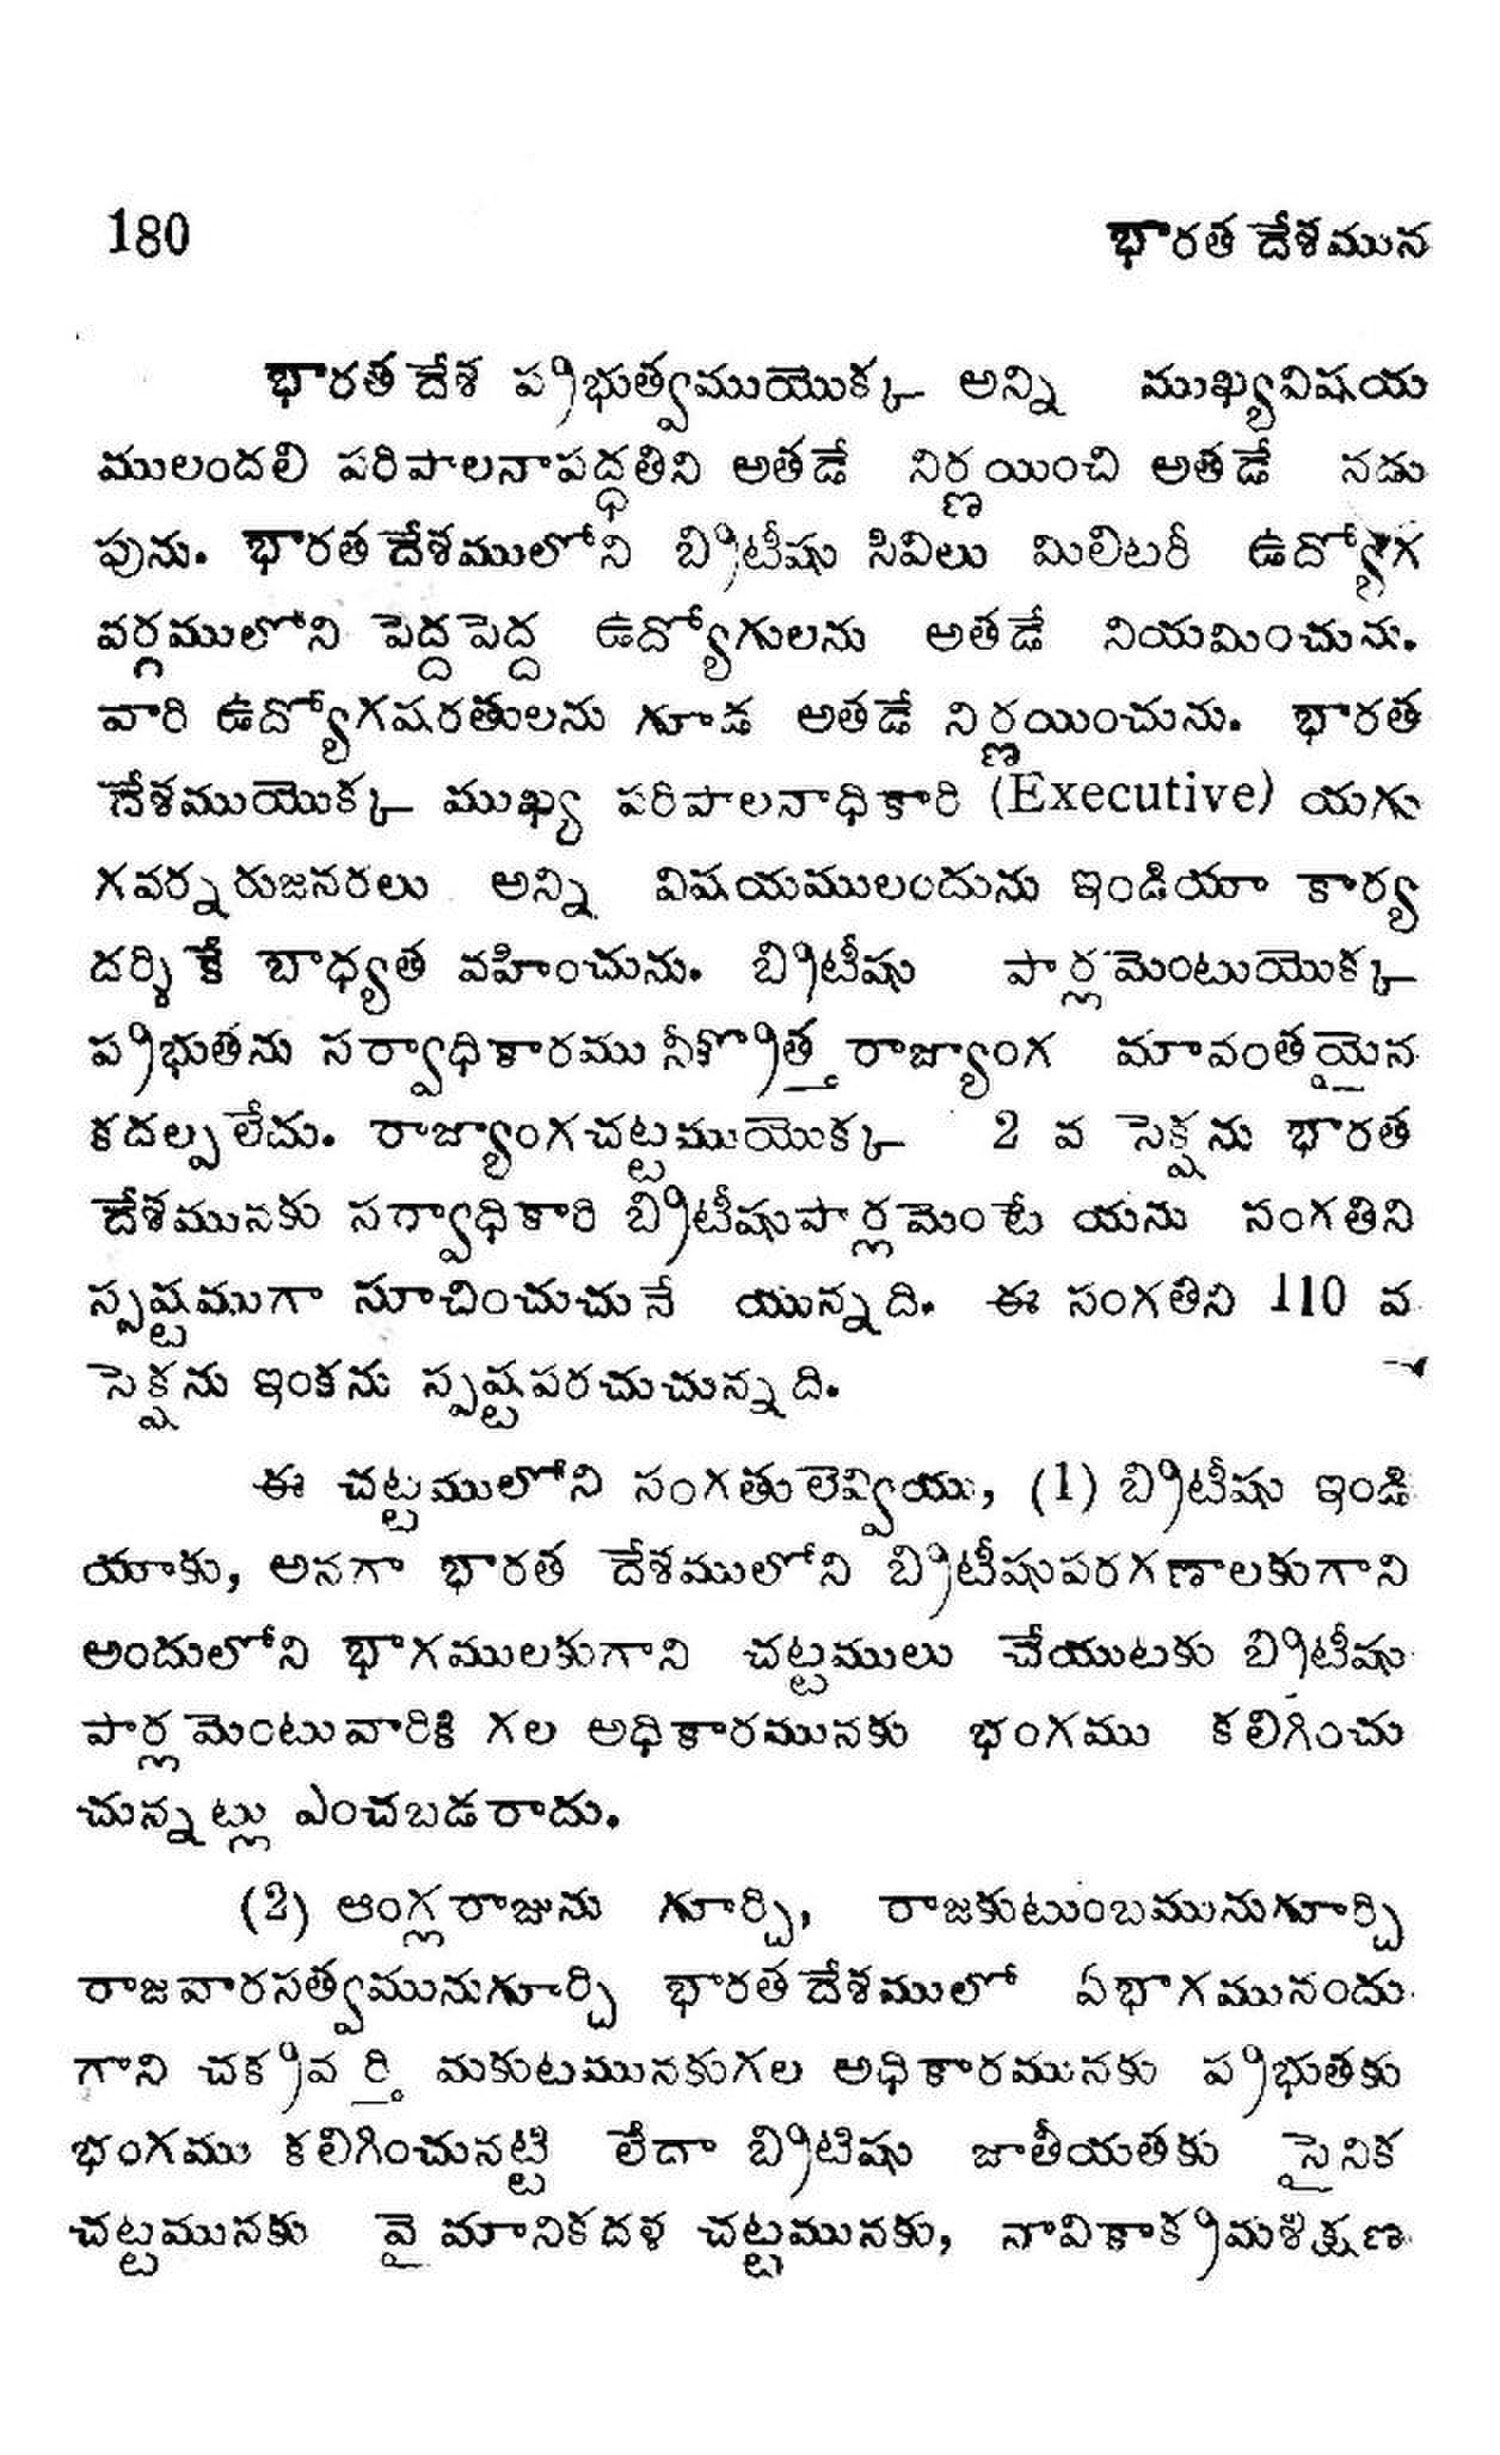భారతదేశ ప్రభుత్వముయొక్క అన్ని ముఖ్యవిషయములందలి పరిపాలనాపద్దతిని అతడే నిర్ణయించి అతడే నడుపును. భారతదేశములోని బ్రిటీషు సివిలు మిలిటరీ ఉద్యోగ వర్గములోని పెద్దపెద్ద ఉద్యోగులను అతడే నియమించును. వారి ఉద్యోగషరతులను గూడ అతడే నిర్ణయించును. భారతదేశముయొక్క ముఖ్య పరిపాలనాధికారి (Executive) యగు గవర్నరుజనరలు అన్ని విషయములందును ఇండియా కార్యదర్శి కే బాధ్యత వహించును. బ్రిటీషు పార్లమెంటుయొక్క ప్రభుతను సర్వాధికారము నీక్రొత్త రాజ్యాంగ మావంతయైన కదల్పలేదు. రాజ్యాంగచట్టముయొక్క 2 వ సెక్షను భారతదేశమునకు సర్వాధికారి బిటీషుపార్లమెంటే యను సంగతిని స్పష్టముగా సూచించుచునే యున్నది. ఈ సంగతిని 110 వ సెక్షను ఇంకను స్పష్టపరచుచున్నది.

ఈ చట్టములోని సంగతులెవ్వియు, (1) బ్రిటీషు ఇండియాకు, అనగా భారత దేశములోని బ్రిటీషుపరగణాలకుగాని అందులోని భాగములకుగాని చట్టములు చేయుటకు బ్రిటీషు పార్లమెంటువారికి గల అధికారమునకు భంగము కలిగించు చున్నట్లు ఎంచబడరాదు.

(2) ఆంగ్లరాజును గూర్చి, రాజకుటుంబమునుగూర్చి రాజవారసత్వమునుగూర్చి భారతదేశములో ఏభాగమునందుగాని చక్రవర్తి, మకుటమునకుగల అధికారమునకు ప్రభుతకు భంగము కలిగించునట్టి లేదా బ్రిటిషు జాతీయతకు సైనిక చట్టమునకు వైమానికదళ చట్టమునకు, నావికాక్రమశిక్షణ